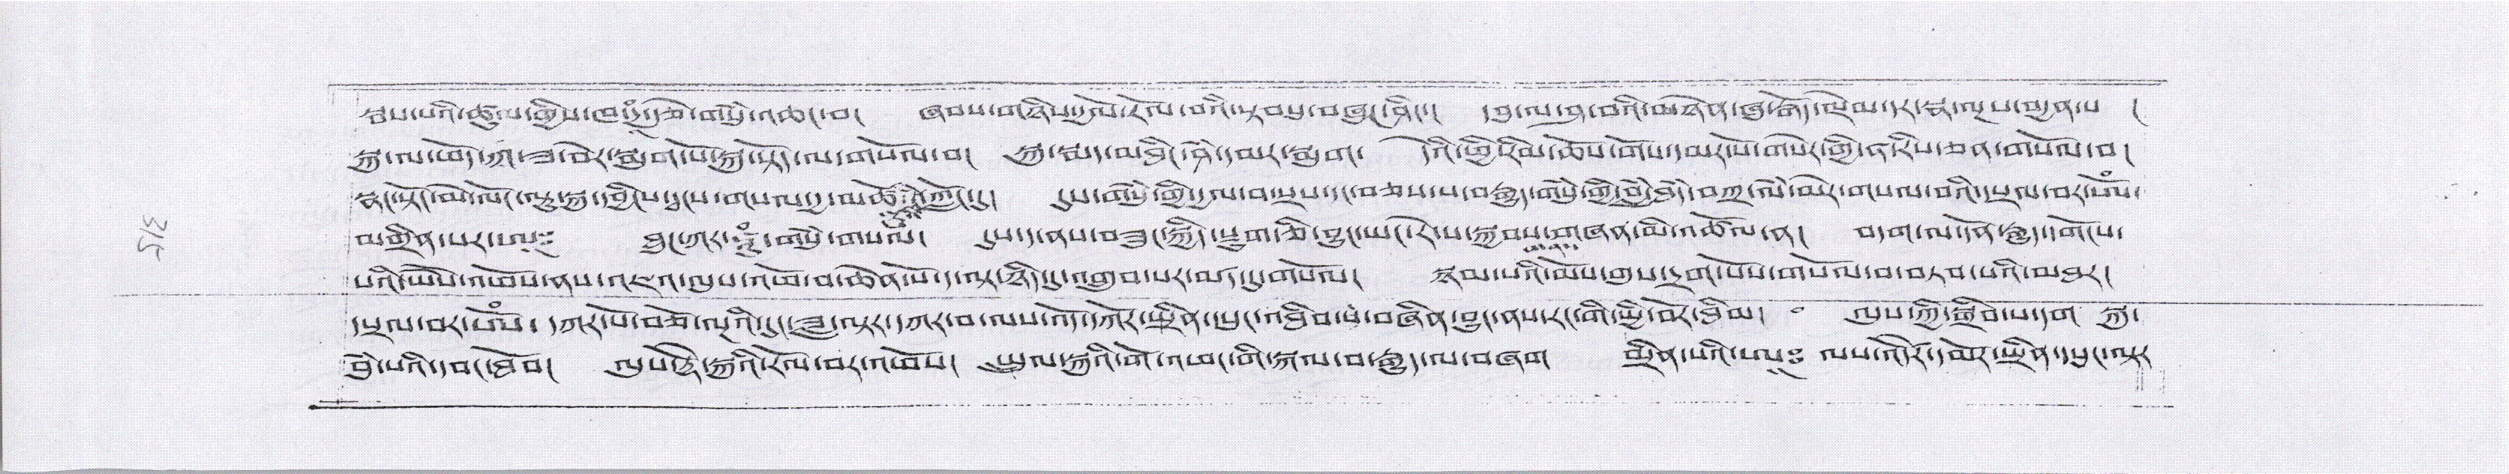སྦས་པའི་ཚུལ་གྱིས་ཁ་ཊཱཾ་རྩེ་གསུམ་འཆང་བ། ཞབས་གཉིས་རྒྱལ་པོ་རོལ་བའི་སྟབས་སུ་བཞུགས་ཤིང། དབུ་ལ་ཤ་བའི་མཉེན་ཞུ་རྒོད་ལྡེམ་དར་སྣ་ལྔས་བརྒྱན་པ། 
སྐུ་ལ་ཕོད་ཀ་ཟ་བེར་སྨུག་པོ་སྐུད་སྟོད་ལ་གསོལ་བ། སྐུ་སྨད་མཐིང་ཤམ་དམར་སྨུག དེའི་ཕྱི་རིམ་ཆོས་གོས་དམར་པོ་གསེར་གྱི་ཧ་རིས་ཅན་གསོལ་བ། 
སྣང་སྟོང་མེ་ལོང་ལྟ་བུ་སྐུ་དབྱིངས་དྭངས་གསལ་རྒྱ་མཚོ་ལྟ་བུའི་ཀློང་དུ། དུས་གསུམ་གྱི་རྒྱལ་བ་སྲས་དང་བཅས་པ་བརྒྱུད་གསུམ་གྱི་བླ་མ་ཐམས་ཅད་བཀྲ་ལམ་མེར་གསལ་བའི་དཔྲལ་བར་ཨོཾ་
མགྲིན་པར་ཨཱཿ ཐུགས་ཀར་ཧཱུཾ་གསུམ་གསལ། དུས་ད་ནས་བཟུང་སྐྱིད་སྡུག་ཅི་བྱུང་ཡང་རེ་ས་སྐྱབས་གནས་གཞན་མི་འཚོལ་ན། བདག་ལ་དོན་རྒྱུད་དགོངས་
པའི་ཡེ་ཤེས་འཕོས་ནས་འཇའ་ལུས་འཕོ་བ་ཆེན་པོ་ད་ལྟ་ཉིད་དུ་འགྲུབ་པར་མཛད་དུ་གསོལ། སྙམ་པའི་མོས་གུས་དྲག་པོས་གསོལ་བ་བཏབ་པའི་མཐར་
དཔྲལ་བར་ཨོཾ་དཀར་པོ་བཅོ་ལྔའི་དུང་ཟླ་ལྟར་དཀར་བ་ལས་འོད་དཀར་པོ་སྤྲིན་དཔུང་འཐིབ་པ་བཞིན་བྱུང་ནས་རང་གི་སྤྱི་བོར་ཐིམ། ལུས་ཀྱི་སྒྲིབ་པ་དག སྐུ་
བུམ་པའི་དབང་ཐོབ། ལུས་རྡོ་རྗེའི་སྐུའི་རོལ་བར་འཕོས། སྤྲུལ་སྐུའི་གོ་འཕང་གི་སྐལ་བ་རྒྱུད་ལ་བཞག མགྲིན་པའི་ཨཱཿ ལས་འོད་ཟེར་དམར་པོ་སྤྲིན་དཔུང་ལྟར་